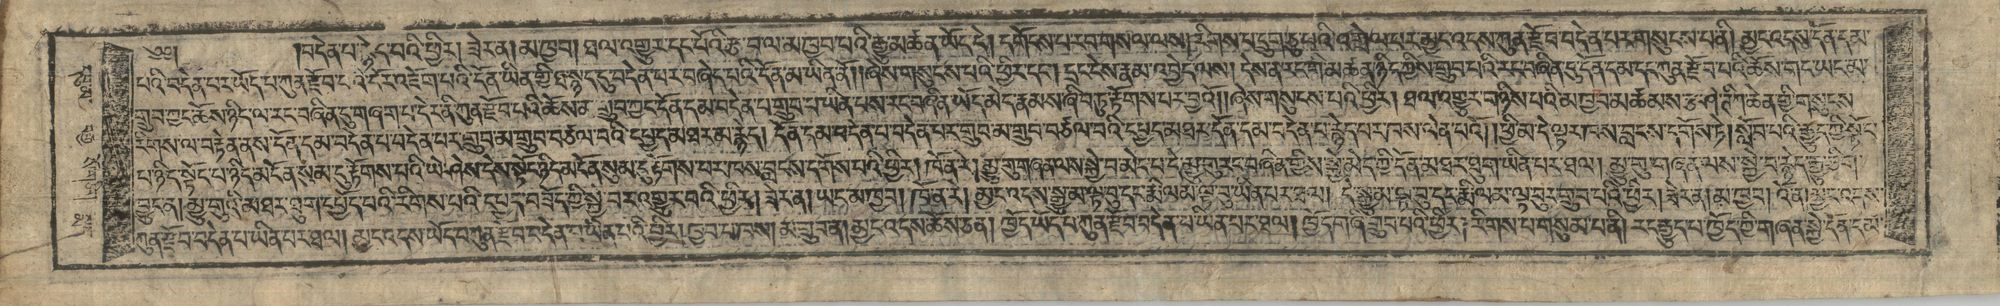༄༅། །བདེན་པ་རྙེད་པའི་ཕྱིར། ཟེར་ན། མ་ཁྱབ། ཐལ་འགྱུར་དང་པོའི་རྩ་བ་ལ་མ་ཁྱབ་པའི་རྒྱུ་མཚན་ཡོད་དེ། དགོངས་པ་རབ་གསལ་ལས། རིགས་པ་དྲུག་ཅུ་པའི་འགྲེལ་པར་མྱང་འདས་ཀུན་རྫོབ་བདེན་པར་གསུངས་པ་ནི། མྱང་འདས་དོན་དམ་
པའི་བདེན་པར་ཡོད་པ་ཀུན་རྫོབ་པའི་ངོར་འཇོག་པའི་དོན་ཡིན་གྱི་ཐ་སྙད་དུ་བདེན་པར་བཞེད་པའི་དོན་མ་ཡིན་ནོ། །ཞེས་གསུངས་པའི་ཕྱིར་དང་། དྲང་ངེས་རྣམ་འབྱེད་ལས། དེས་ན་རང་གི་མཚན་ཉིད་ཀྱིས་གྲུབ་པའི་རང་བཞིན་དུ་དོན་དམ་དང་ཀུན་རྫོབ་པའི་ཆོས་གང་ཡང་མ་
གྲུབ་ཀྱང་ཆོས་ཉིད་ལ་རང་བཞིན་དུ་གཞག་པ་དེར་ནི་ཀུན་རྫོབ་པའི་ཆོས་མ་གྲུབ་ཀྱང་དོན་དམ་བདེན་པ་གྲུབ་པ་ཡིན་པས་རང་བཞིན་ཡོད་མེད་རྣམས་ཞིབ་ཏུ་རྟོགས་པར་བྱའོ། །ཞེས་གསུངས་པའི་ཕྱིར། ཐལ་འགྱུར་གཉིས་པའི་མ་ཁྱབ་མཚམས་རྩ་ཤེ་ཊིཀ་ཆེན་གྱི་གསུངས་
རིགས་ལ་བརྟེན་ནས་དོན་དམ་བདེན་པ་བདེན་པར་གྲུབ་མ་གྲུབ་བཙལ་བའི་དཔྱད་མཐར་མ་རྙེད། དོན་དམ་བདེན་པ་བདེན་པར་གྲུབ་མ་གྲུབ་བཙལ་བའི་དཔྱད་མཐར་དོན་དམ་བདེན་པ་རྙེད་པར་ཁས་ལེན་པའོ། །ཕྱི་མ་དེ་ལྟར་ཁས་བླངས་དགོས་ཏེ། སློབ་པའི་རྒྱུད་ཀྱི་སྟོང་
པ་ཉིད་སྟོང་པ་ཉིད་མངོན་སུམ་དུ་རྟོགས་པའི་ཡེ་ཤེས་དེས་སྟོང་ཉིད་མངོན་སུམ་དུ་རྟོགས་པར་ཁས་བླངས་དགོས་པའི་ཕྱིར། ཁོ་ན་རེ། མྱུ་གུ་གཞན་ལས་སྐྱེ་བ་མེད་པ་དེ་མྱུ་གུ་རང་བཞིན་གྱིས་སྐྱེ་མེད་ཀྱི་དོན་མཐར་ཐུག་ཡིན་པར་ཐལ། མྱུ་གུ་གཞན་ལས་སྐྱེ་བ་རྙེད་རྒྱུ་ཅིག་
བྱུང་ན། མྱུ་གུའི་མཐར་ཐུག་དཔྱོད་པའི་རིགས་པའི་དཔྱད་བཟོད་ཀྱི་སྐྱེ་བར་འགྱུར་བའི་ཕྱིར། ཟེར་ན། ཡང་མ་ཁྱབ། ཁོ་ན་རེ། མྱང་འདས་སྒྱུ་མ་ལྟ་བུ་དང་རྨི་ལམ་ལྟ་བུ་ཡིན་པར་ཐལ། དེ་སྒྱུ་མ་ལྟ་བུ་དང་རྨི་ལམ་ལྟ་བུར་གྲུབ་པའི་ཕྱིར། ཟེར་ན། མ་ཁྱབ། འོ་ན། མྱང་འདས་
ཀུན་རྫོབ་བདེན་པ་ཡིན་པར་ཐལ། མྱང་འདས་ཡོད་པ་ཀུན་རྫོབ་བདེན་པ་ཡིན་པའི་ཕྱིར། ཁྱབ་པ་ཁས། མ་གྲུབ་ན། མྱང་འདས་ཆོས་ཅན། ཁྱོད་ཡོད་པ་ཀུན་རྫོབ་བདེན་པ་ཡིན་པར་ཐལ། ཁྱོད་གཞི་གྲུབ་པའི་ཕྱིར། རིགས་པ་གསུམ་པ་ནི། རང་རྒྱུ་པའི་ཁྱོད་ཀྱི་གཞན་སྐྱེ་དོན་དམ་